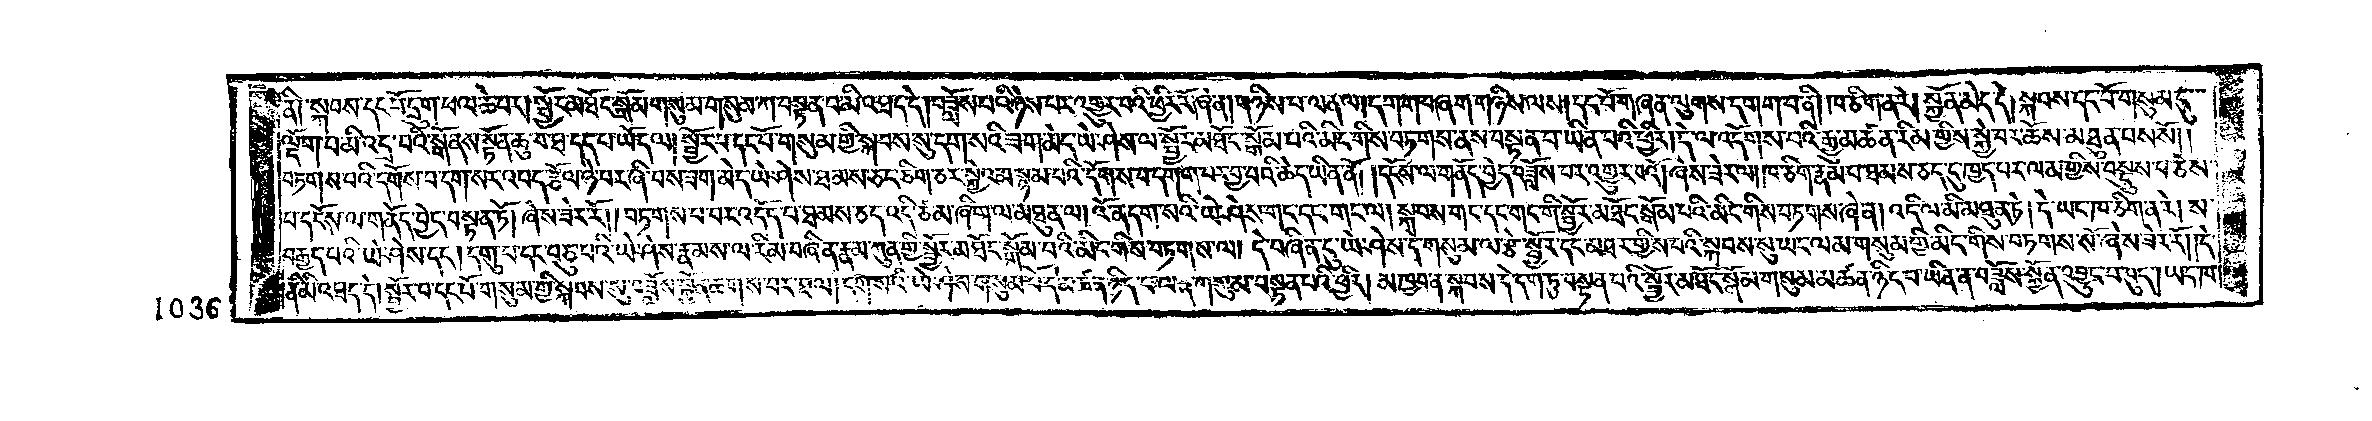ནི༑ སྐབས་དང་པོ་དྲུག་ཕལ་ཆེ་བར། སྦྱོར་མཐོང་སྒོམ་གསུམ་གསུམ་ཀ་བསྟན་པ་མི་འཐད་དེ། བཟློས་པའི་ཉེས་པར་འགྱུར་བའི་ཕྱིར་རོ་ཞེ་ན། གཉིས་པ་ལན་ལ། དགག་བཞག་གཉིས་ལས། དང་པོ་གཞན་ལུགས་དགག་པ་ནི། ཁ་ཅིག་ན་རེ། སྐྱོན་མེད་དེ། སྐབས་དང་པོ་གསུམ་དུ་
ལྡོག་པ་མི་འདྲ་བའི་སྒོ་ནས་སྟོན་ཆུ་བ་ཐ་དད་པ་ཡོད་ལ། སྦྱོར་པ་དང་པོ་གསུམ་གྱི་སྐབས་སུ་དག་སའི་ཟག་མེད་ཡེ་ཤེས་ལ་སྦྱོར་མཐོང་སྒོམ་པའི་མིང་གིས་བཏགས་ནས་བསྟན་པ་ཡིན་པའི་ཕྱིར། དེ་ལ་འདོགས་པའི་རྒྱུ་མཚན་རིམ་གྱིས་སྐྱེ་བར་ཆོས་མཐུན་པས་སོ། །
བཏགས་པའི་དགོས་པ་དག་སར་འབད་རྩོལ་ཉེ་བར་ཞི་བས་ཟག་མེད་ཡེ་ཤེས་ཐམས་ཅད་ཅིག་ཅར་སྐྱེའམ་སྙམ་པའི་དོགས་པ་དགག་པར་བྱ་བའི་ཆེད་ཡིན་ནོ། །དངོས་ལ་གནོད་བྱེད་བཟློས་པར་འགྱུར་བའོ། ཞེས་ཟེར་ལ། ཁ་ཅིག་རྣམ་པ་ཐམས་ཅད་དུ་ཁྱད་པར་ལམ་གྱིས་བསྡུས་པ་ཅེས་
པ་དངོས་ལ་གནོད་བྱེད་བསྟན་ཏོ། ཞེས་ཟེར་རོ། །བཏགས་པ་བར་འདོད་པ་ཐམས་ཅད་འདི་ཙམ་ཞིག་ལ་མཐུན་ལ། འོ་ན་དག་སའི་ཡེ་ཤེས་གང་དང་གང་ལ། སྐབས་གང་དང་གང་གི་སྦྱོར་མཐོང་སྒོམ་པའི་མིང་གིས་བཏགས་ཞེ་ན། འདི་ལ་མི་མཐུན་ཏེ། དེ་ཡང་ཁ་ཅིག་ན་རེ། ས་
བརྒྱད་པའི་ཡེ་ཤེས་དང་། དགུ་པ་དང་བཅུ་པའི་ཡེ་ཤེས་རྣམས་ལ་རིམ་བཞིན་རྣམ་ཀུན་གྱི་སྦྱོར་མཐོང་སྒོམ་པའི་མིང་གིས་བཏགས་ལ། དེ་བཞིན་དུ་ཡེ་ཤེས་དེ་གསུམ་ལ་རྩེ་སྦྱོར་དང་མཐར་གྱིས་པའི་སྐབས་སུ་ཡང་ལམ་གསུམ་གྱི་མིང་གིས་བཏགས་སོ་ཞེས་ཟེར་རོ། །དེ་
ནི་མི་འཐད་དེ། སྦྱོར་བ་དང་པོ་གསུམ་གྱི་སྐབས་སུ་བཟློས་སྐྱོན་ཆགས་པར་ཐལ། དག་སའི་ཡེ་ཤེས་གསུམ་པོ་དེ་མཚན་ཉིད་པ་ལན་གསུམ་བསྟན་པའི་ཕྱིར། མ་ཁྱབ་ན་སྐབས་དེ་དག་ཏུ་བསྟན་པའི་སྦྱོར་མཐོང་སྒོམ་གསུམ་མཚན་ཉིད་པ་ཡིན་ན་བཟློས་སྐྱོན་འབྱུང་བ་བུད། ཡང་ཁ་